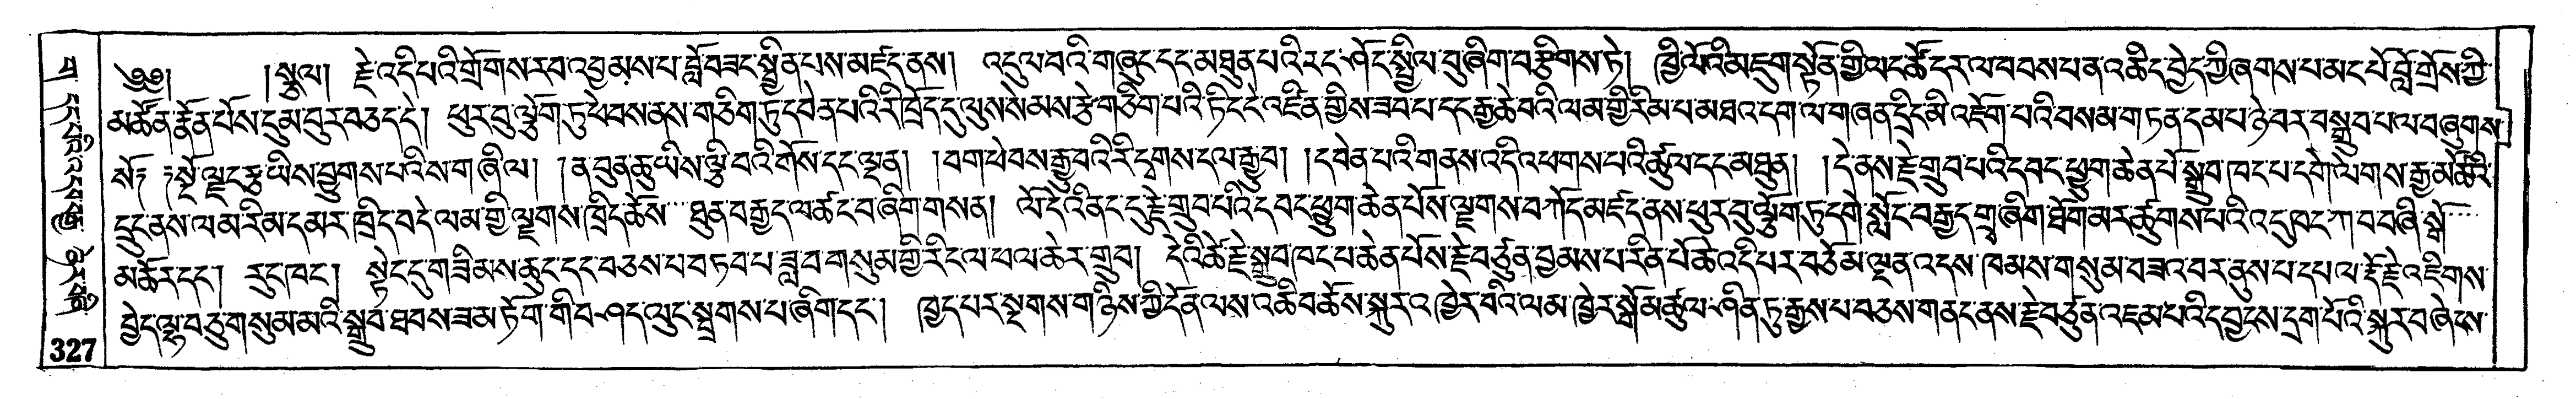༄༅། །སྩལ། རྗེ་འདི་པའི་གྲོགས་རབ་འབྱམས་པ་བློ་བཟང་སྦྱིན་པས་མཛད་ནས། འདུལ་བའི་གཞུང་དང་མཐུན་པའི་རང་ཤོང་སྤྱིལ་བུ་ཞིག་བརྩིགས་ཏེ། ཁྱི་ལོའི་མཇུག་སྟོན་གྱི་ལང་ཚོ་དར་ལ་བབས་པ་ན་འཆིང་བྱེད་ཀྱི་ཞགས་པ་མང་པོ་བློ་གྲོས་ཀྱི་
མཚོན་རྣོན་པོས་དུམ་བུར་བཅད་དེ། ཕུར་བུ་ལྕོག་ཏུ་ཕེབས་ནས་གཅིག་ཏུ་དབེན་པའི་རི་ཁྲོད་དུ་ལུས་སེམས་རྩེ་གཅིག་པའི་ཏིང་ངེ་འཛིན་གྱིས་ཟབ་པ་དང་རྒྱ་ཆེ་བའི་ལམ་གྱི་རིམ་པ་མཐའ་དག་ལ་གཞན་དྲིང་མི་འཇོག་པའི་བསམ་གཏན་དམ་པ་ཉེ་བར་བསྒྲུབ་པ་ལ་བཞུགས་
སོ༑ ༑སྔོ་ལྗང་རྩྭ་ཡིས་བྱུགས་པའི་ས་གཞི་ལ། །ན་བུན་ཆུ་ཡིས་ལྕི་བའི་གོས་དང་ལྡན། །བག་ཕེབས་རྒྱུ་བའི་རི་དྭགས་དལ་རྒྱུ་བ། །དབེན་པའི་གནས་འདི་འཕགས་པའི་ཚུལ་དང་མཐུན། །དེ་ནས་རྗེ་གྲུབ་པའི་དབང་ཕྱུག་ཆེན་པོ་སྒྲུབ་ཁང་པ་དགེ་ལེགས་རྒྱ་མཚོའི་
དྲུང་ནས་ལམ་རིམ་དམར་ཁྲིད་བདེ་ལམ་གྱི་ལྗགས་ཁྲིད་ཆོས་ཐུན་བརྒྱད་ལ་ཚང་བ་ཞིག་གསན། ལོ་དེའི་ནང་དུ་རྗེ་གྲུབ་པའི་དབང་ཕྱུག་ཆེན་པོས་ལྗགས་བཀོད་མཛད་ནས་ཕུར་བུ་ལྕོག་ཏུ་དགེ་སློང་བརྒྱད་གྲྭ་ཞིག་ཐོག་མར་ཚུགས་པའི་འདུ་ཁང་ཀ་བ་བཞི་སྒོ་
མཆོར་དང་། རུང་ཁང་། སྟེང་དུ་གཟིམས་ཆུང་དང་བཅས་པ་བཏབ་པ་ཟླ་བ་གསུམ་གྱི་རིང་ལ་ཕལ་ཆེར་གྲུབ། དེའི་ཚེ་རྗེ་སྒྲུབ་ཁང་པ་ཆེན་པོས་རྗེ་བཙུན་བྱམས་པ་རིན་པོ་ཆེ་འདི་པར་བཅོམ་ལྡན་འདས་ཁམས་གསུམ་བཟའ་བར་ནུས་པ་དཔལ་རྡོ་རྗེ་འཇིགས་
བྱེད་ལྷ་བཅུ་གསུམ་མའི་སྒྲུབ་ཐབས་ཟ་མ་ཏོག་གི་བཤད་ལུང་སྦྲགས་པ་ཞིག་དང་། ཁྱད་པར་སྔགས་གཉིས་ཀྱི་དོན་ལས་འཆི་བ་ཆོས་སྐུར་འཁྱེར་བའི་ལམ་ཁྱེར་སྒོམ་ཚུལ་ཤིན་ཏུ་རྒྱས་པ་བཅས་གནང་ནས་རྗེ་བཙུན་འཇམ་པའི་དབྱངས་དྲག་པོའི་སྐུར་བཞེངས་